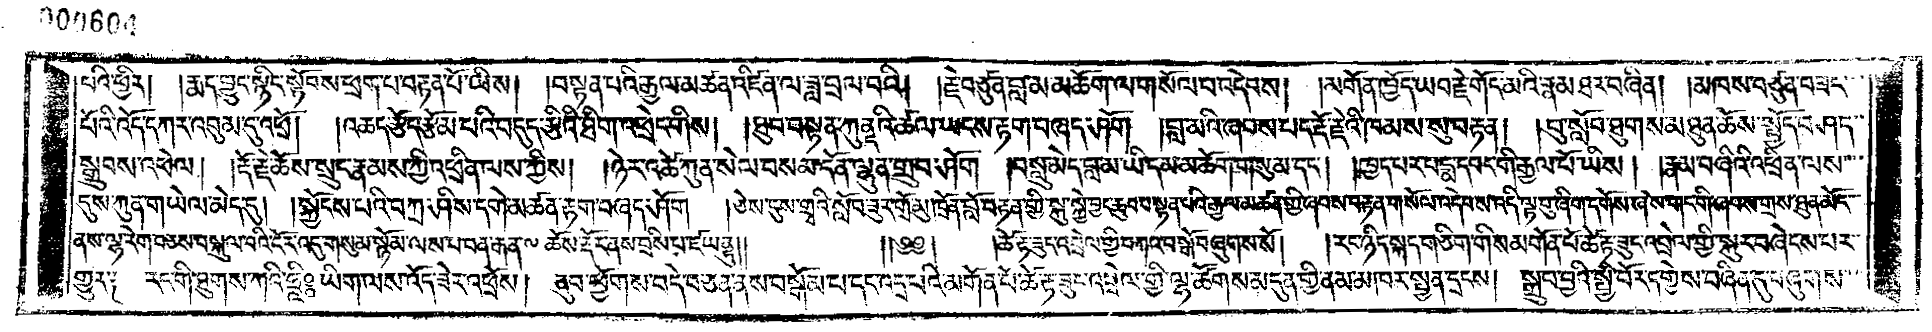པའི་ཕྱིར། །རྨད་བྱུང་སྙིང་སྟོབས་ཕྲག་པ་བརྟན་པོ་ཡིས། །བསྟན་པའི་རྒྱལ་མཚན་འཛིན་ལ་ཟླ་བྲལ་བའི། །རྗེ་བཙུན་བླ་མ་མཆོག་ལ་གསོལ་བ་འདེབས། །མགོན་ཁྱོད་ཡབ་རྗེ་གོང་མའི་རྣམ་ཐར་བཞིན། །མཁས་བཙུན་བཟང་
པོའི་འོད་དཀར་འབུམ་དུ་འཕྲོ། །འཆད་རྩོད་རྩོམ་པའི་བདུད་རྩིའི་ཐིག་འཕྲེང་གིས། །ཐུབ་བསྟན་ཀུནྡའི་ཚལ་ཡངས་རྟག་བཞད་ཤོག །བླ་མའི་ཞབས་པད་རྡོ་རྗེའི་ཁམས་སུ་བརྟན། །བུ་སློབ་ཐུགས་མཐུན་ཆོས་སྤྱོད་བཤད་
སྒྲུབས་འཕེལ། །རྡོ་རྗེ་ཆོས་སྲུང་རྣམས་ཀྱི་འཕྲིན་ལས་ཀྱིས། །ཉེར་འཚེ་ཀུན་སེལ་བསམ་དོན་ལྷུན་གྲུབ་ཤོག །བསླུ་མེད་བླ་མ་ཡི་དམ་མཆོག་གསུམ་དང་། །ཁྱད་པར་པདམ་དབང་གི་རྒྱལ་པོ་ཡིས། །རྣམ་བཞིའི་འཕྲིན་ལས་
དུས་ཀུན་གཡེལ་མེད་དུ། །སྐྱོངས་པའི་བཀྲ་ཤིས་དགེ་མཚན་རྟག་བཞད་ཤོག །ཅེས་དུས་གྲྭའི་སློབ་ཟུར་གྲོ་མུ་ཁྲོན་བློ་བརྟན་གྱི་སྐུ་སྐྱེ་བྱང་ཆུབ་བསྟན་པའི་རྒྱལ་མཚན་གྱི་ཞབས་བརྟན་གསོལ་འདེབས་འདི་ལྟ་བུ་ཞིག་དགོས་ཞེས་གང་གི་ཞབས་གྲས་ཐུན་མོང་
ནས་ལྷ་རེག་བཅས་བསྐུལ་བའི་ངོར་འདུ་གསུམ་སྙོམ་ལས་པ་བན་རྒན་༧་ཆོས་རྡོར་ནས་བྲིས་པ་ཛ་ཡནྟུ།། །། ༄༅། །ཚེ་རྟ་ཟུང་འབྲེལ་གྱི་བཀའ་བསྒོ་བཞུགས་སོ། །རང་ཉིད་སྐད་གཅིག་གིས་མགོན་པོ་ཚེ་རྟ་ཟུང་འབྲེལ་གྱི་སྐུར་བཞེངས་པར་
གྱུར། རང་གི་ཐུགས་ཀའི་ཧྲཱིཿ ཡིག་ལས་འོད་ཟེར་འཕྲོས། ནུབ་ཕྱོགས་བདེ་བ་ཅན་ནས་བསྒོམ་པ་དང་འདྲ་པའི་མགོན་པོ་ཚེ་རྟ་ཟུང་འབྲེལ་གྱི་ལྷ་ཚོགས་མདུན་གྱི་ནམ་མཁར་སྤྱན་དྲངས། སྒྲུབ་བྱའི་སྤྱི་བོར་དགྱེས་བཞིན་དུ་བཞུགས་